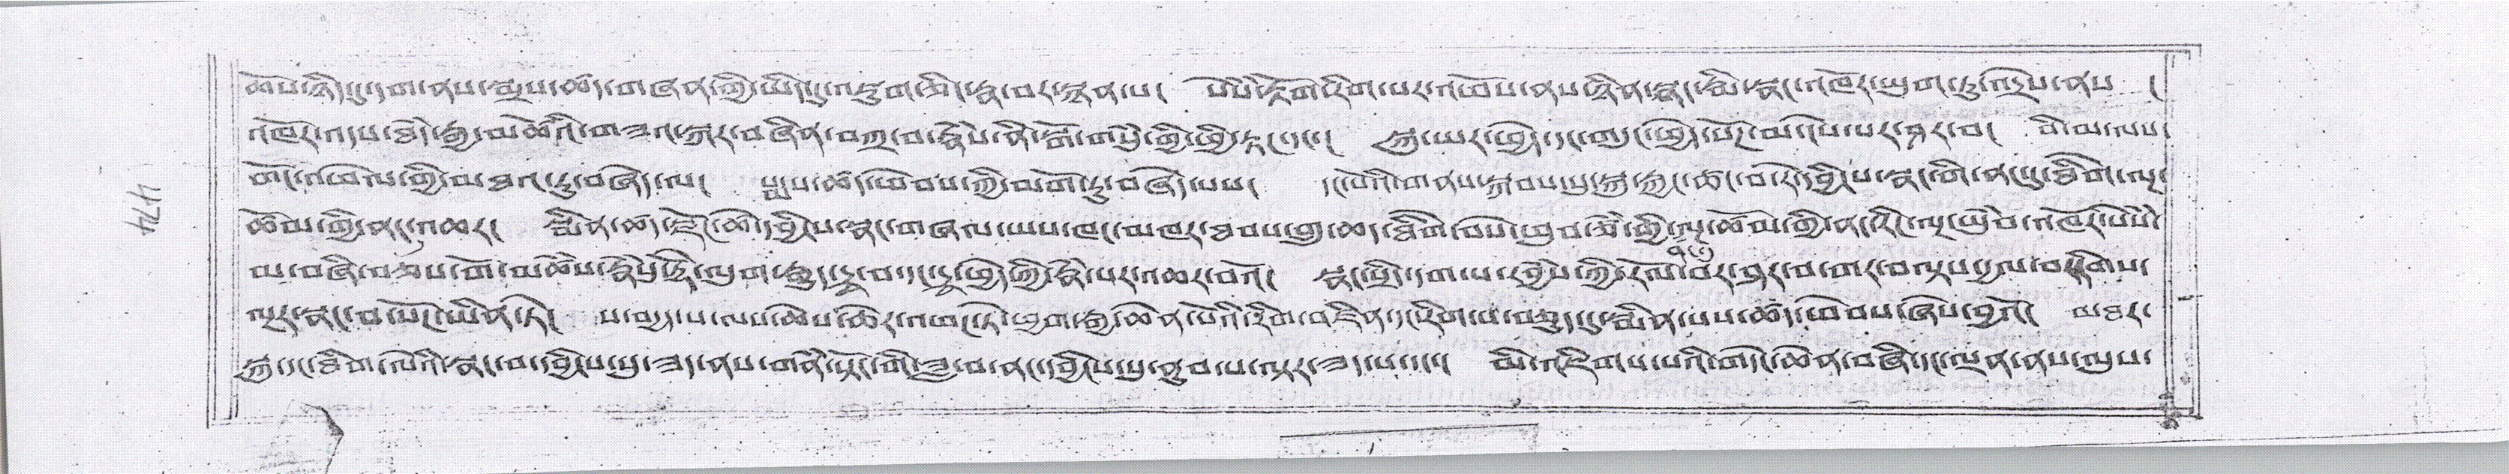ཆོས་ཉིད་དུ་དག་ནས་སྨྲས་ཚད་གཞན་གྱི་ཡིད་དུ་འཇུག་ཅིང་རྣ་བར་སྙན་པ། སེམས་རྟོག་རིག་པར་འཕོས་ནས་ཉིན་སྣང་རྨི་སྣང་ཁོར་ཡུག་ཏུ་འདྲེས་ནས་
འཁོར་འདས་ཐམས་ཅད་རྒྱ་མཚོའི་གཟའ་སྐར་བཞིན་བཀྲ་བ་རྣམས་ནི་སྒོ་གསུམ་གྱི་ཕྱི་རྟགས་དང་། སྐུ་ཡར་ཕྱེད་དང་གདུང་ཕྱེད་སོགས་མ་ངེས་པར་ཤར་བ། བི་མ་ལ་
གོང་འཕེལ་གྱི་མཐའ་རུ་བཞེད་ལ། པདྨས་ཚད་ཕེབས་ཀྱི་མགོ་རུ་བཞེད་པས། དང་པོའི་གནས་སྐབས་སུ་སྐུ་རྐྱང་ཚང་བ་རེ་དབྱིངས་སྣང་གི་ནང་དུ་ཐིག་ལེ་ལྔ་
ཚོམ་གྱི་ནང་དུ་འཆར། སྨིན་ཚད་རྫོགས་ཚེ་དབྱིངས་སྣང་གཞལ་ཡས་ཁང་མཁར་ཐབས་གྲུ་ཆད་ཐིག་ལེ་བསེ་ཕུབ་ཙམ་གྱི་ནང་དུ་ལྔ་ཚོམ་གྱི་ནང་རིགས་ལྔ་ཡབ་ཡུམ་འཁོར་སེམས་
མ་བཞི་བཅས་གོ་མཚམས་རྣམས་སུ་རྡོ་རྗེ་ལུག་རྒྱུད་དྲྭ་བ་དང་དྲྭ་ཕྱེད་ཀྱི་རྣམ་པར་འཆར་བའོ། སྣང་སྲིད་དག་པ་རབ་འབྱམས་ཀྱི་རོལ་པར་ཤར་བ་གར་བལྟས་རྒྱལ་བ་རིགས་
ལྔར་སྣང་བ་སོགས་ཡིན་ཏེ། ས་བརྒྱད་པ་ལས་ཆེས་ཆེར་འཕགས་ཏེ་ཕྱག་རྒྱ་ཆེན་པོའི་རིག་འཛིན་རིག་པ་བཅུད་དུ་སྨིན་པས་ཚད་ཕེབས་ཞེས་བྱའོ། མཐར་
སྐུ་དང་ཐིག་ལེའི་སྣང་བ་དབྱིངས་སུ་ཟད་ནས་གནམ་སྟོང་གི་ཟླ་བ་ནང་དབྱིངས་སུ་ནུབ་པ་ལྟར་ཟད་པ་དང་། མི་འཇིགས་པའི་གདེང་ཆེན་བཞི་དང་ལྡན་ནས་ལུས་